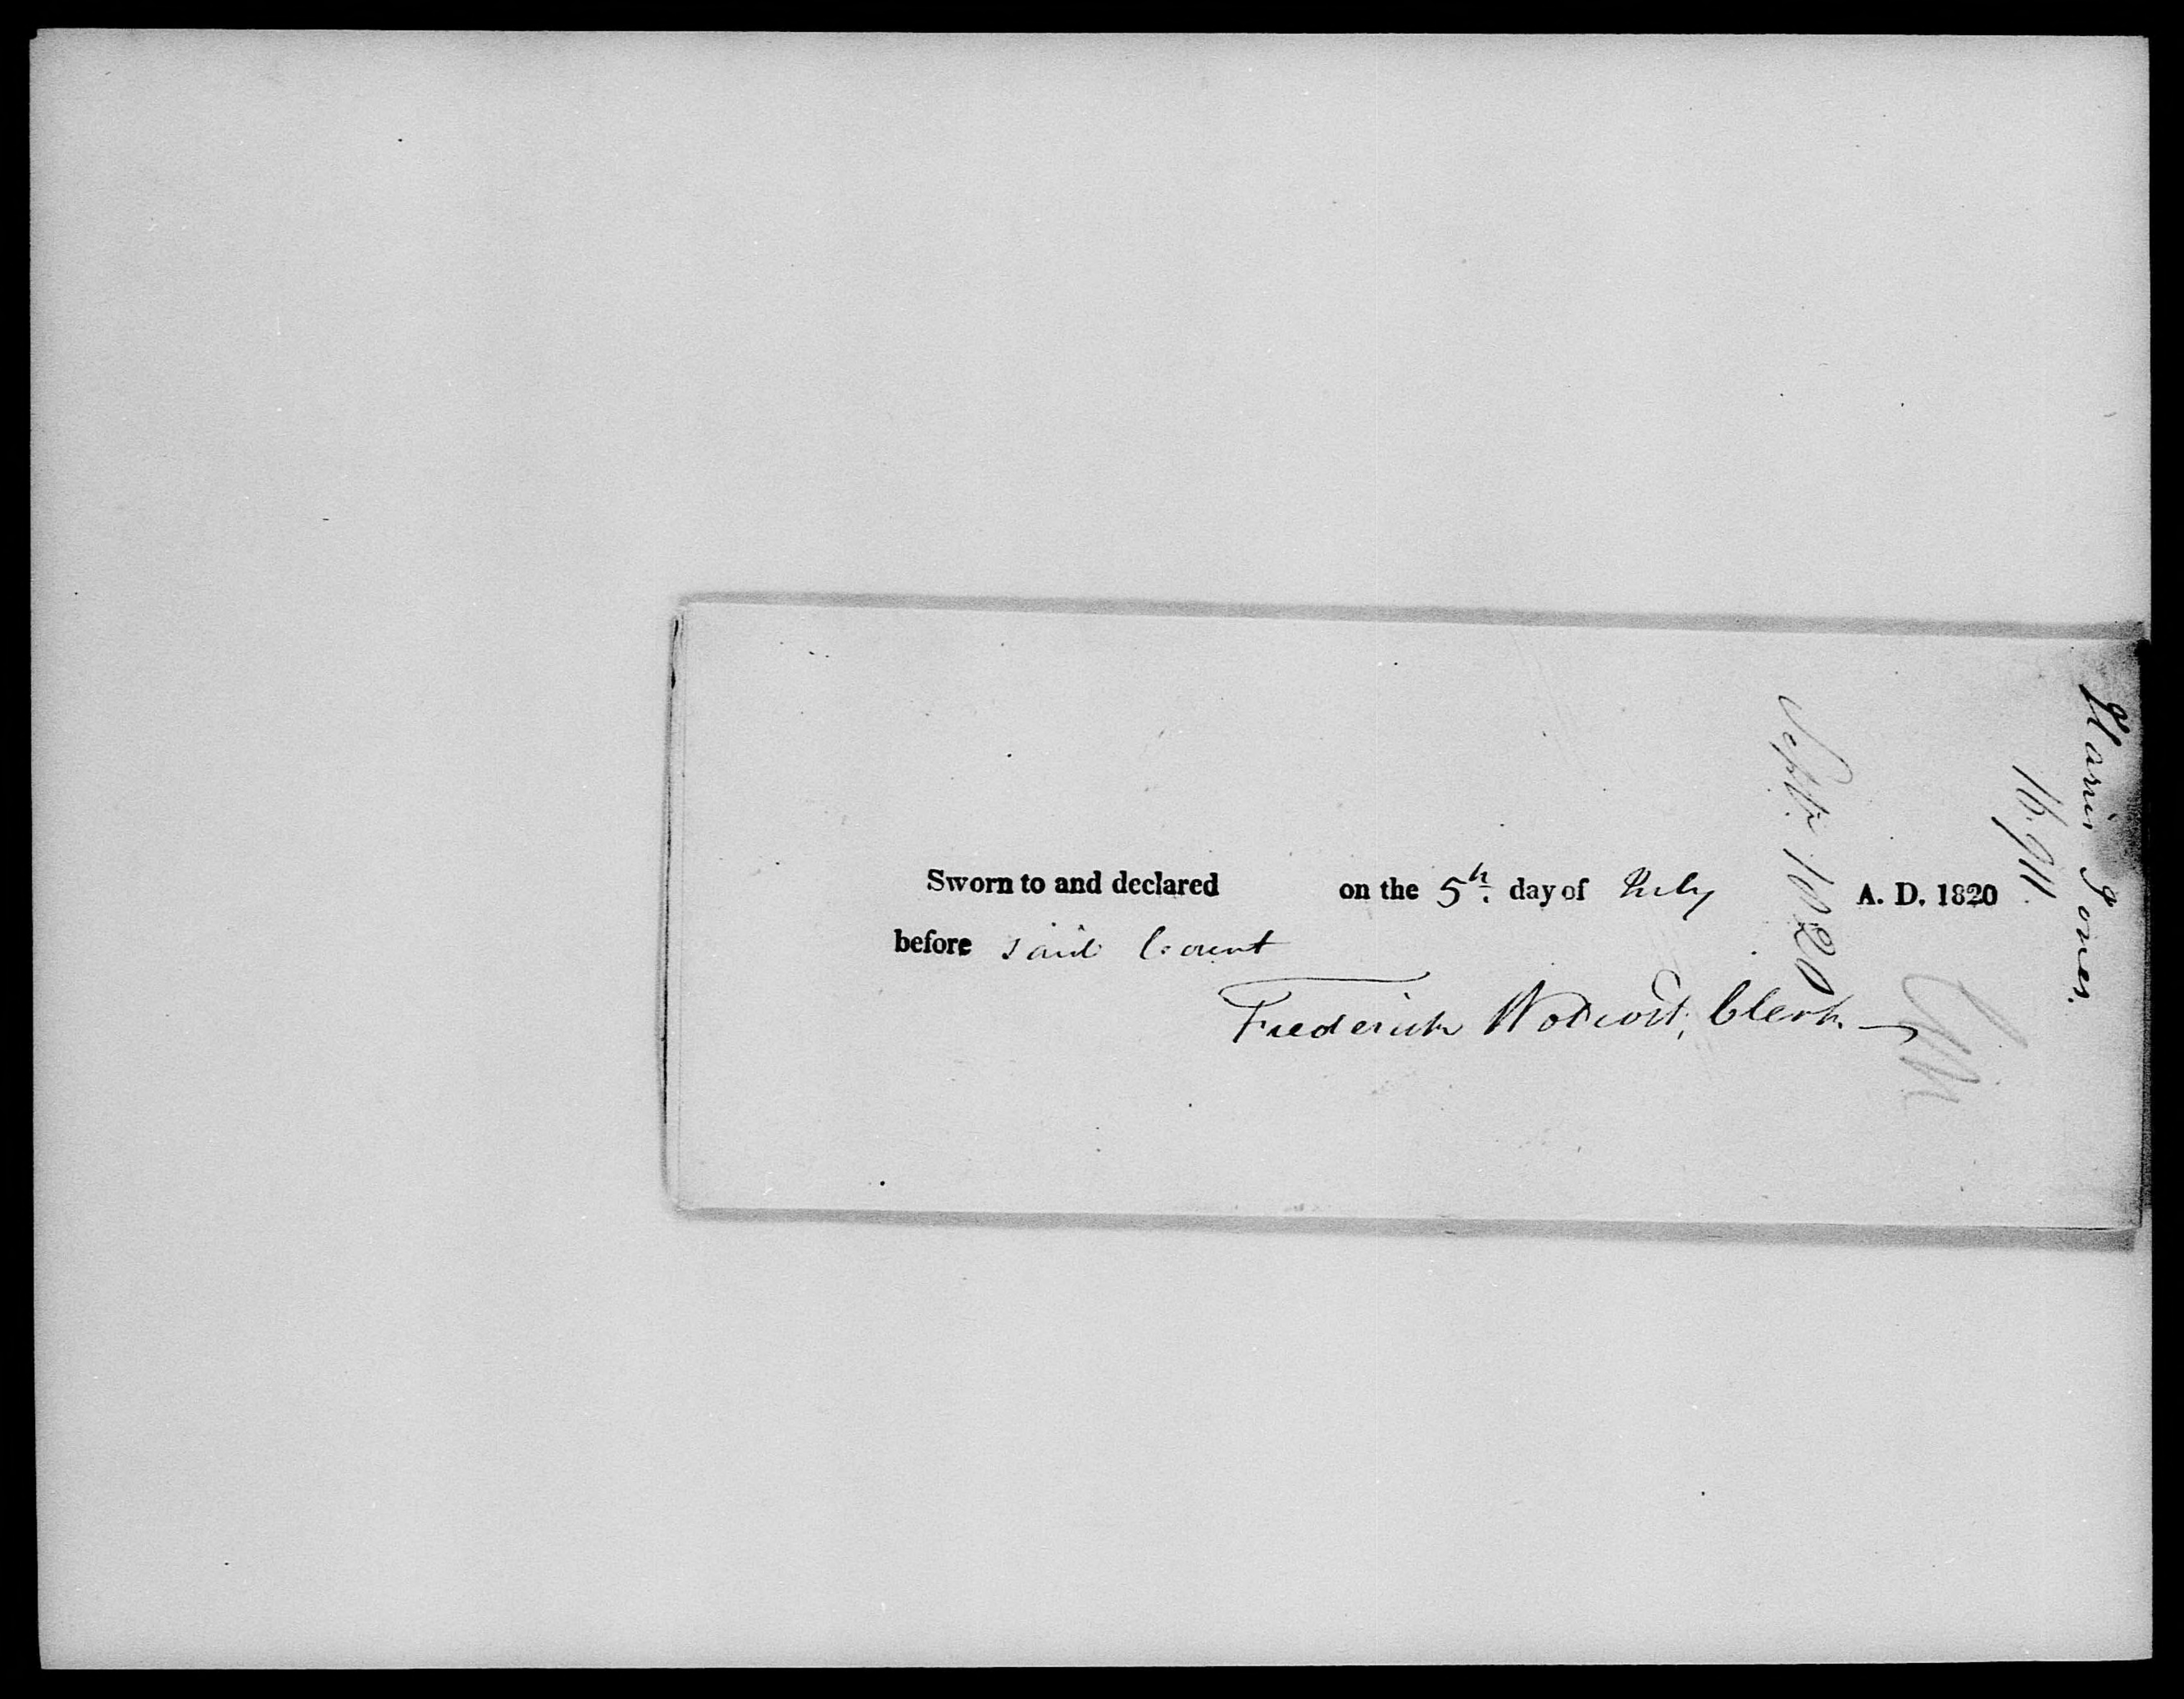Harris Jones.
16,911
Sept. 10 '20

Sworn to and declared
on the 5th day of July A.D. 1820
before said Court
Frederick Wolcort, Clerk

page: 3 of 11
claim: survivor's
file: S. 36655, for Harris Jones, Connecticut